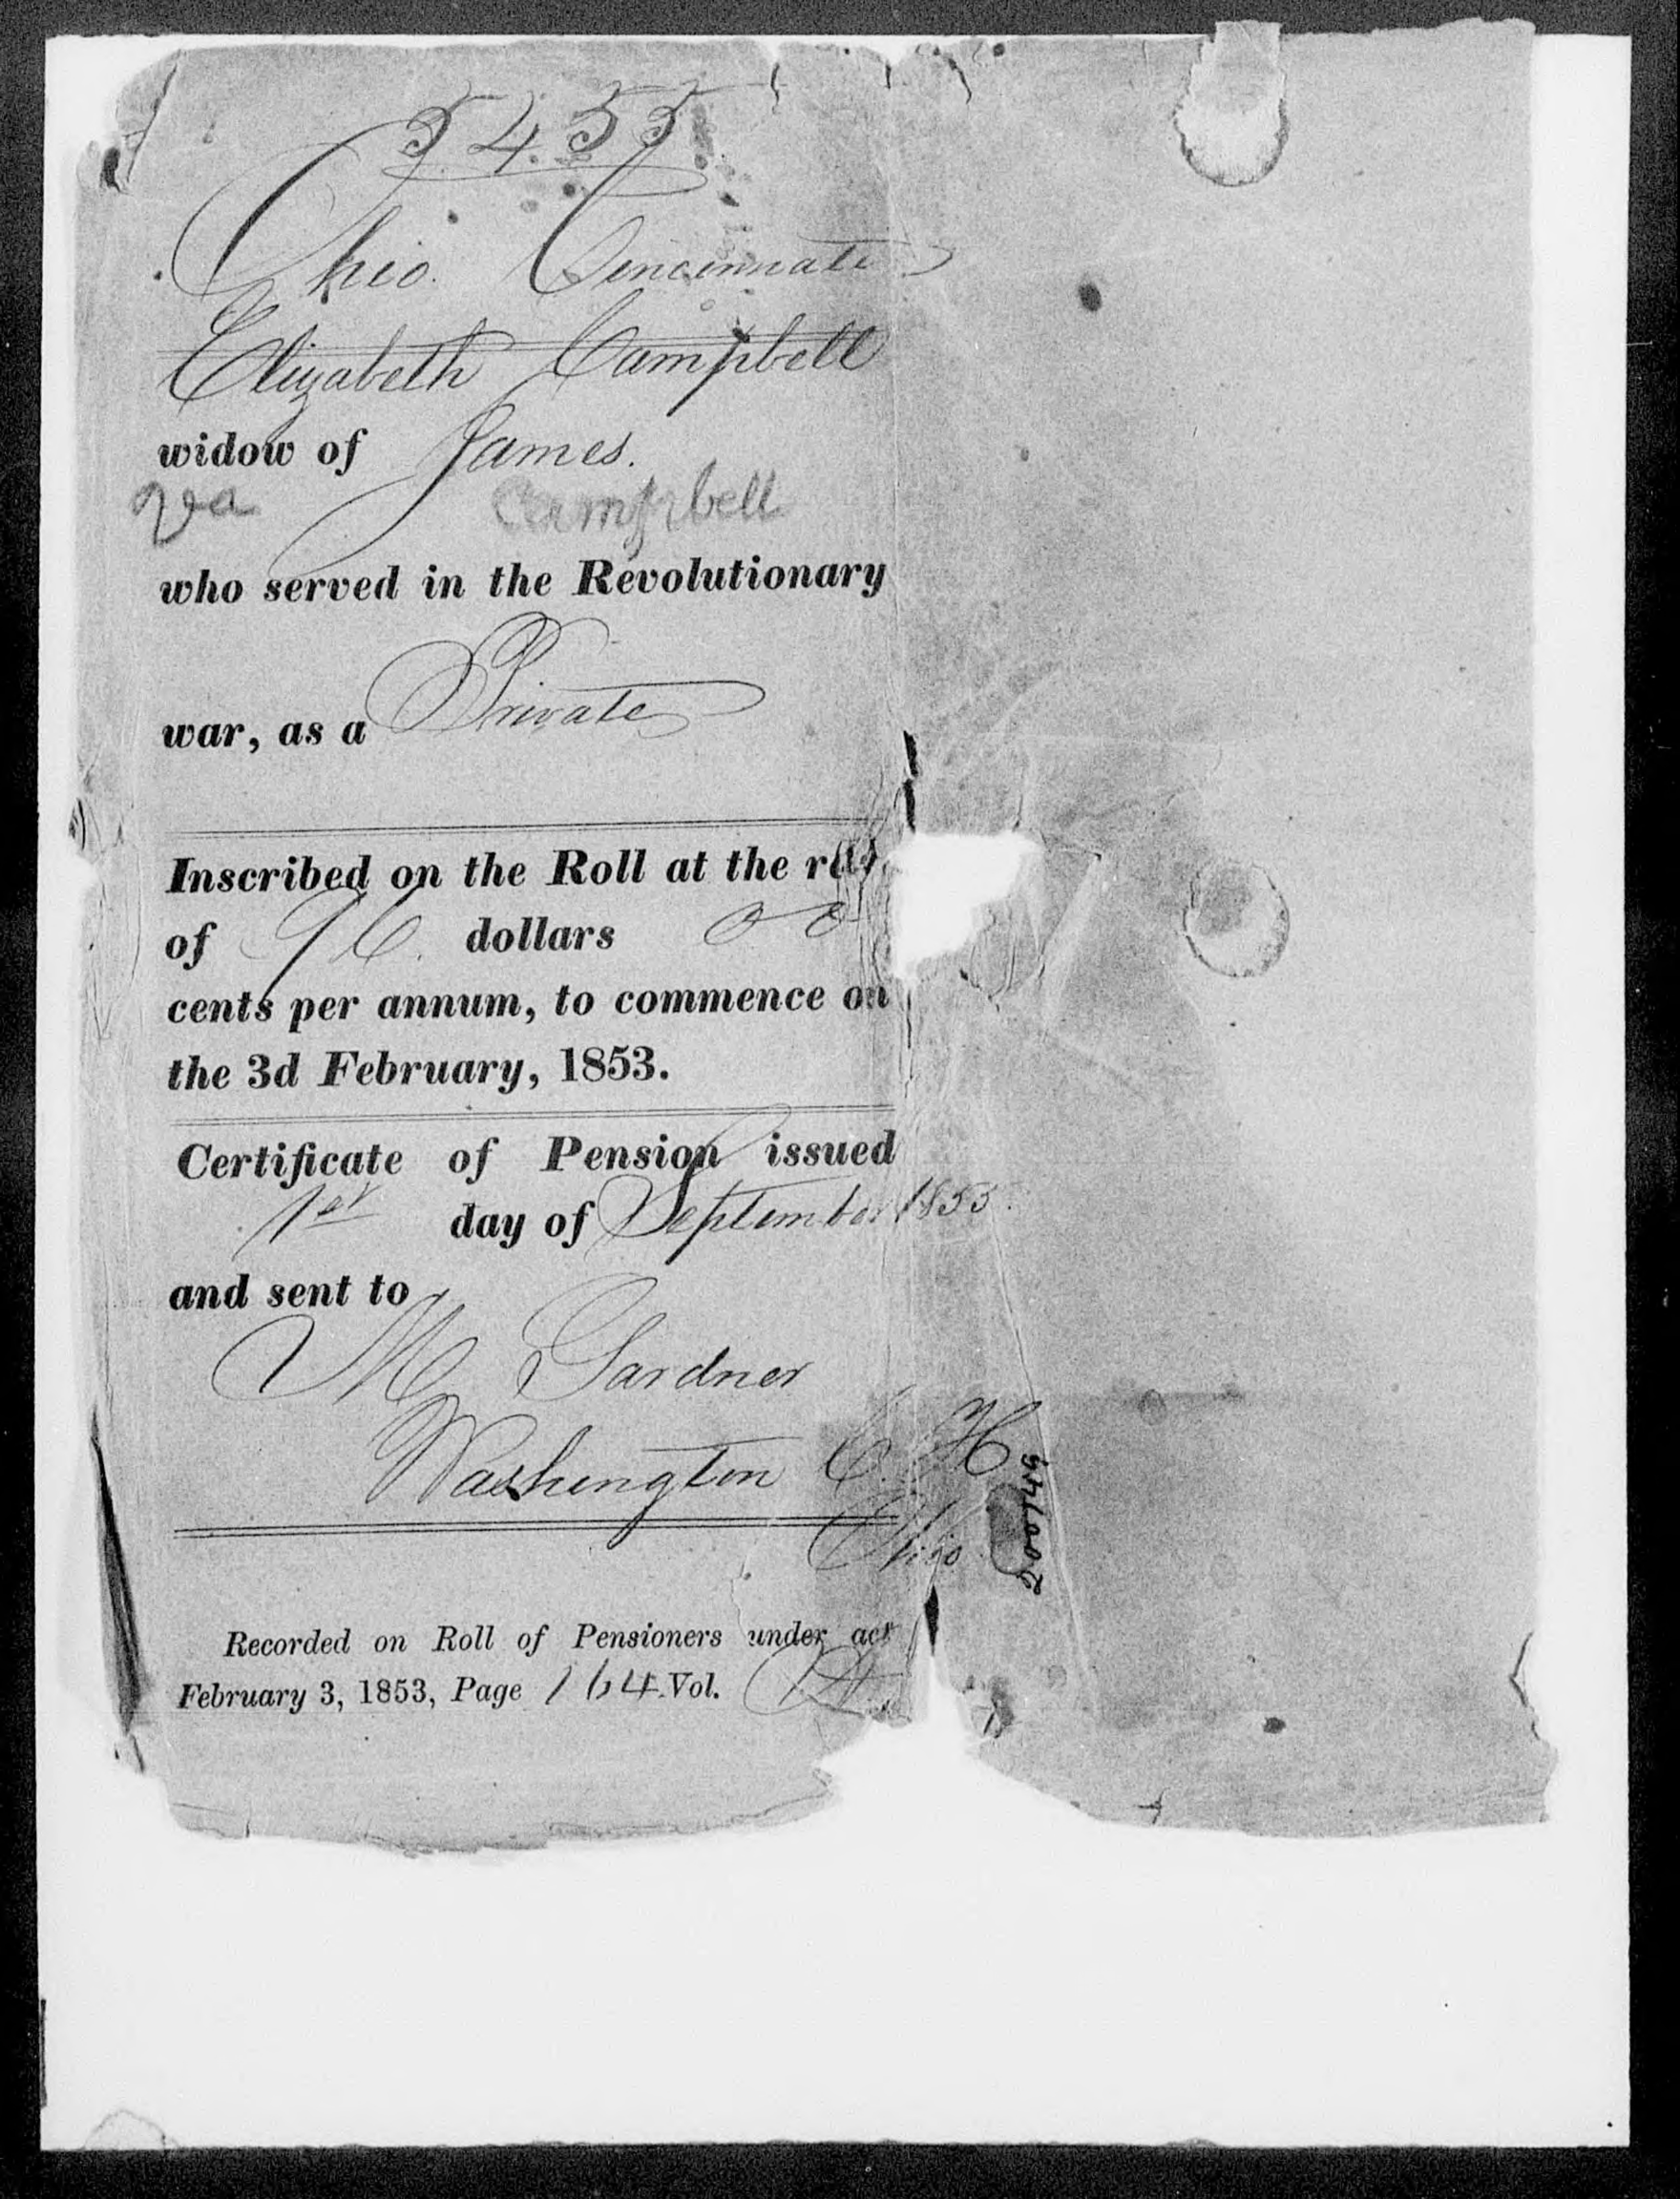5455
Ohio Cincinnati
Elizabeth Campbell
widow of James Campbell VA
who served in the Revolutionary war, as a Private
Inscribed on the Roll at the rate of 96 dollars 00 cents per annum, to commence on the 3d February, 1853.
Certificate of Pension issued 1st day of September 1855
and sent to M Gardner
Washington Cy C
Ohio
200749
Recorded on Roll of Pensioners under act February 3, 1853, Page 154. Vol. A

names: James Campbell, M Gardner, Elizabeth Campbell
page: 10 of 47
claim: widow's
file: W. 25384, James Campbell, Va.